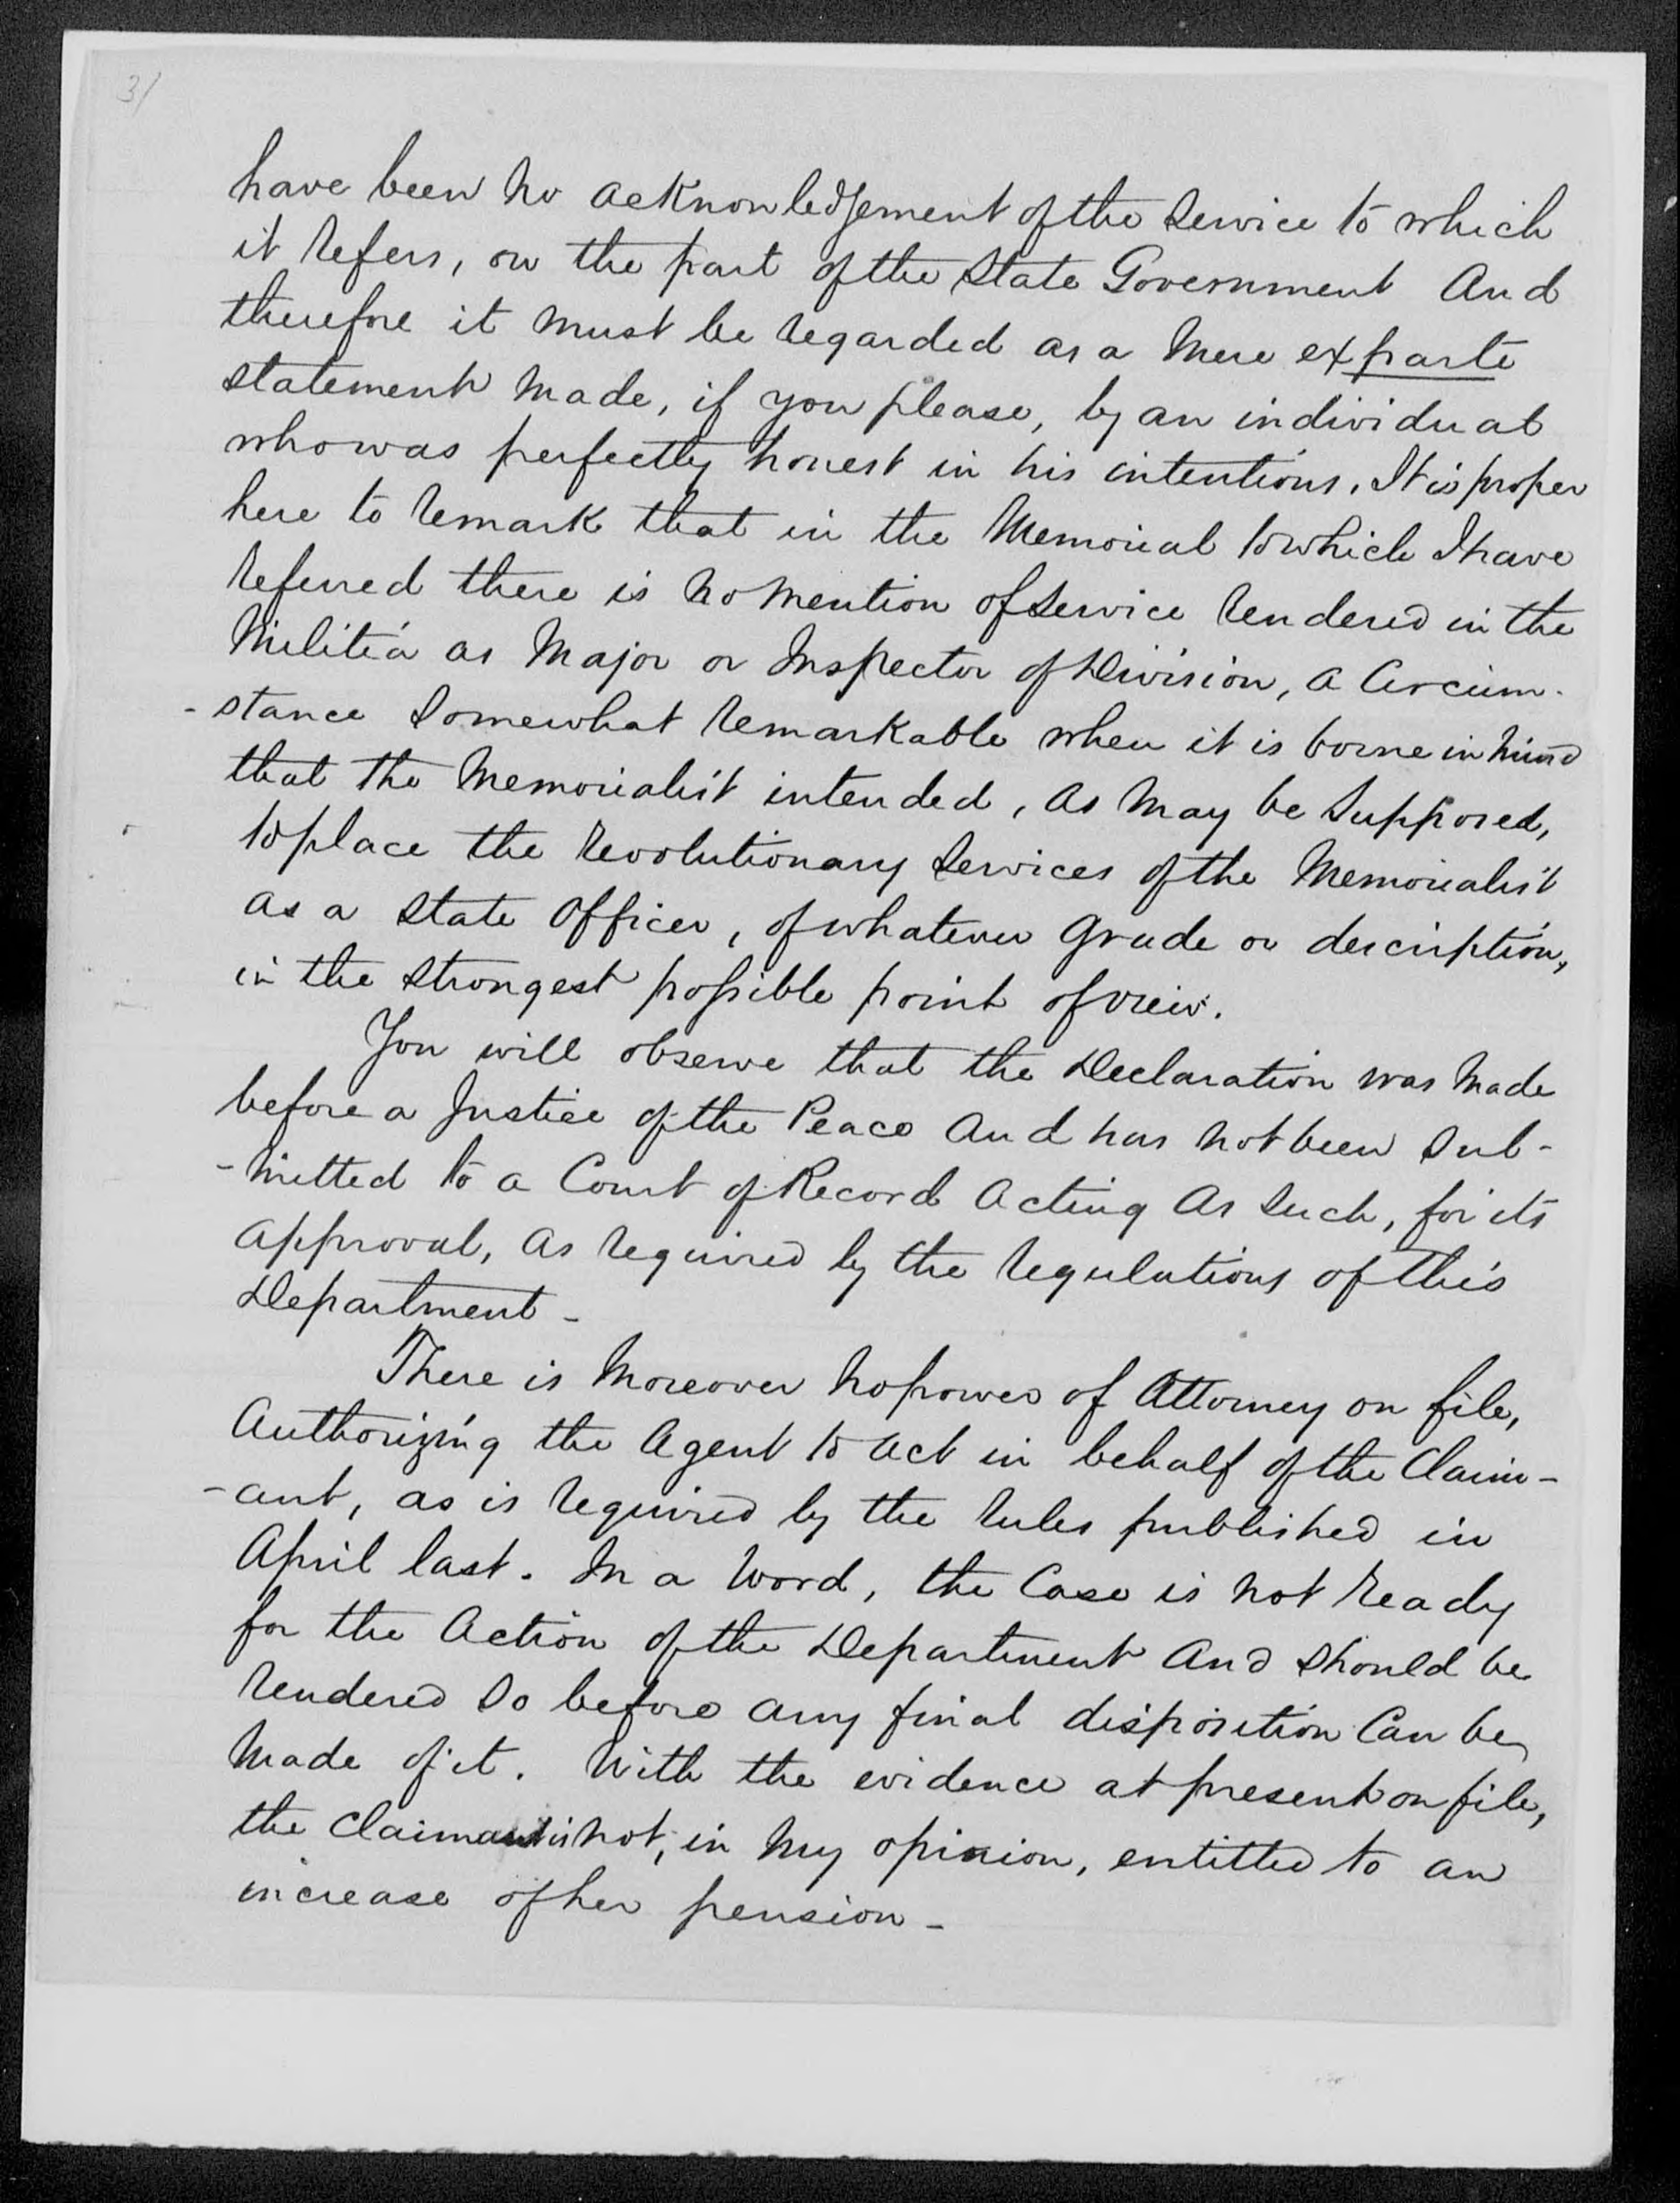have been no acknowledgement of the Service to which it refers, or the fact of the State Government And therefore it must be regarded as a mere exparte statement made, if you please, by an individual who was perfectly honest in his intentions, It is proper here to remark that in the Memorial to which I have referred there is no mention of Service Rendered in the Militia as Major or Inspector of Division, a Circumstance somewhat Remarkable when it is borne in him that the Memoralist intended, as may be supposed, as a state Officer, of whatever grade or description, in the strangest possible point of view.
You will observe that the Declaration was made before a Justice of the Peace And has not been submitted to a Court of Record Acting As such, for disapproval, as required by the Regulations of this Department -
There is Moreover no power of Attorney on file, Authorizing the Agent to act in behalf of the Claimant, as is required by the rules published in April last. In a Word, the Case is not Ready for the Action of the Department And should be rendered so before any final disposition can be made of it. With the evidence at present on file, the claimant is not, in my opinion, entitled to an increase of her pension.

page: 169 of 267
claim: widow's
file: W. 4,149, William Campbell, Va.